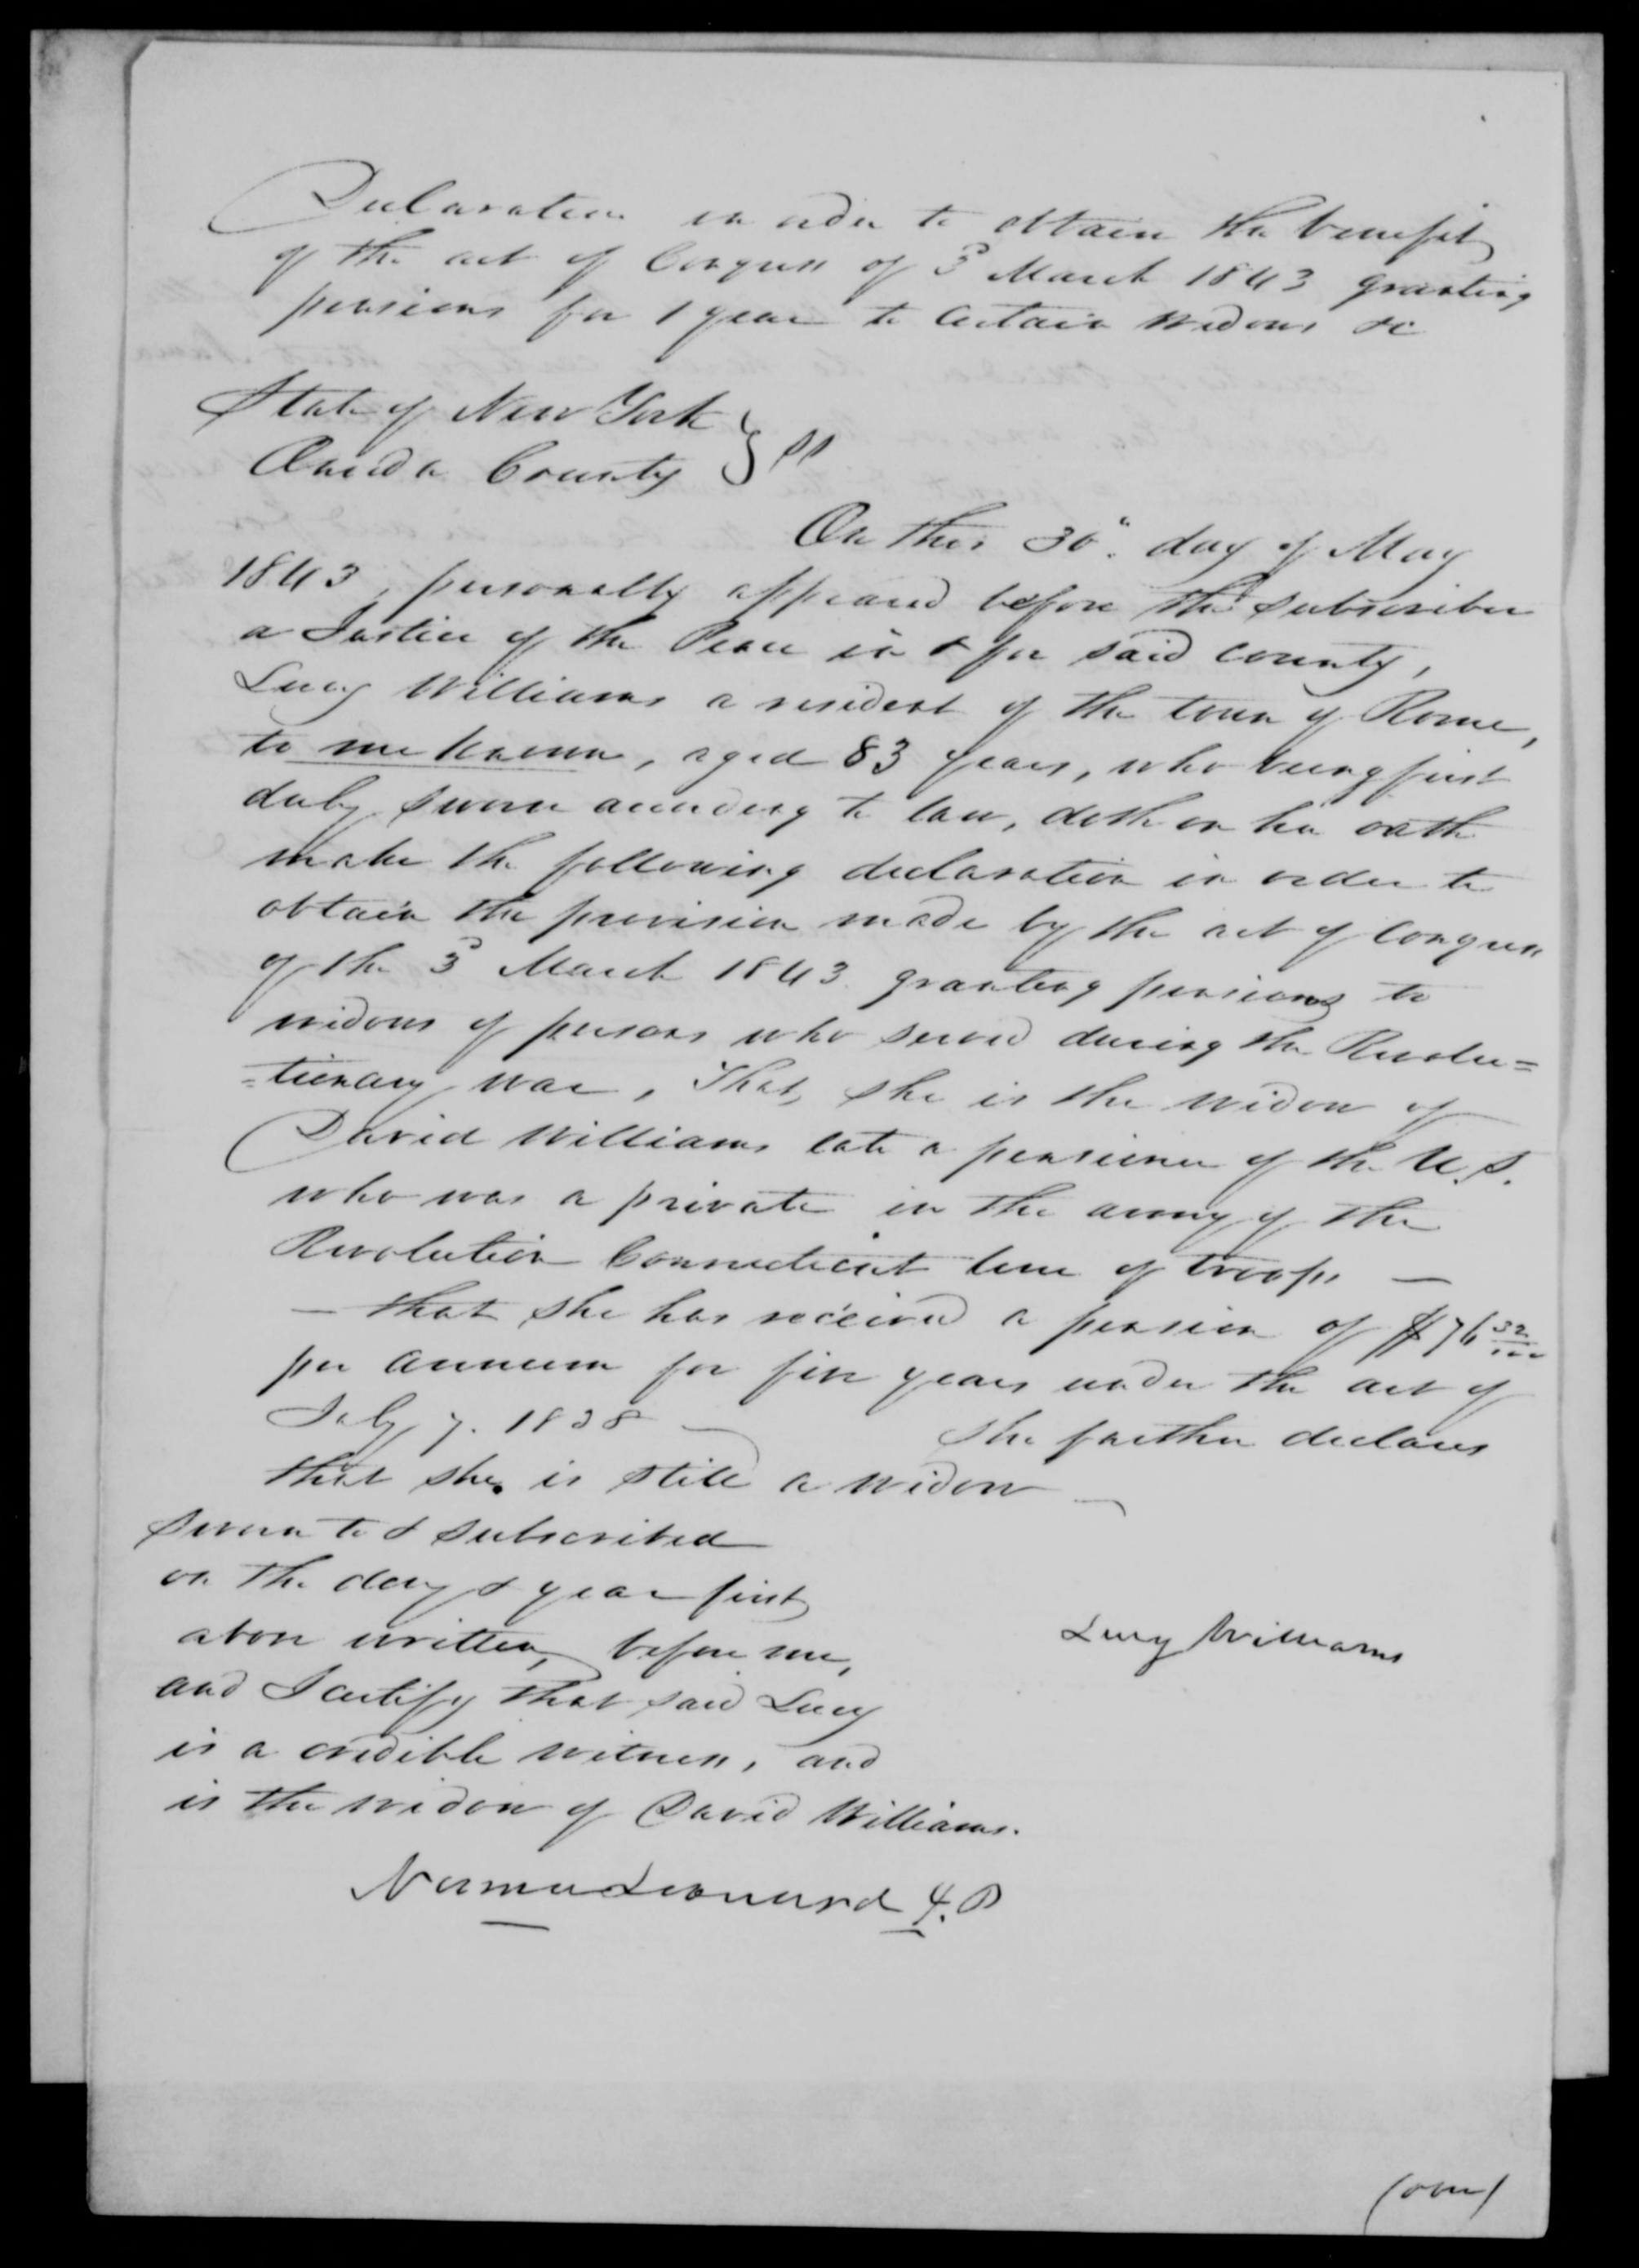Declaration in order to obtain the benefit of the act of Congress of 3 March 1843 granting pensions for 1 year to certain widows &c
State of New York Oneida County ss
On this 30th day of May 1843, personally appeared before the subscriber a Justice of the Peace in & for said county, Lucy Williams, a resident of the town of Rome to me known, aged 83 years, who being first duly sworn according to law, doth on her oath make the following declaration in order to obtain the provision made by the act of Congress of the 3d March 1843 granting pensions to widows of persons who served during the Revolutionary war, That she is the widow of David Williams, (illegible) a pensioner of the U. S. who was a private in the army of the Revolution Connecticut line of troops. That she has received a pension of $76 32/100 per annum for five years under the act of July 7, 1828.  She farther declares that she is still a widow.  Lucy Williams
Sworn to & subscribed on the day & year first above written, before me, and I certify that said Lucy is a credible witness, and is the widow of David Williams.
Namund Leonard J. P.

(over)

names: Norma Leonard, Lucy Williams, David Williams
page: 23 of 63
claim: widow's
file: W. 22,632, David Williams, Conn. Continental Privateer